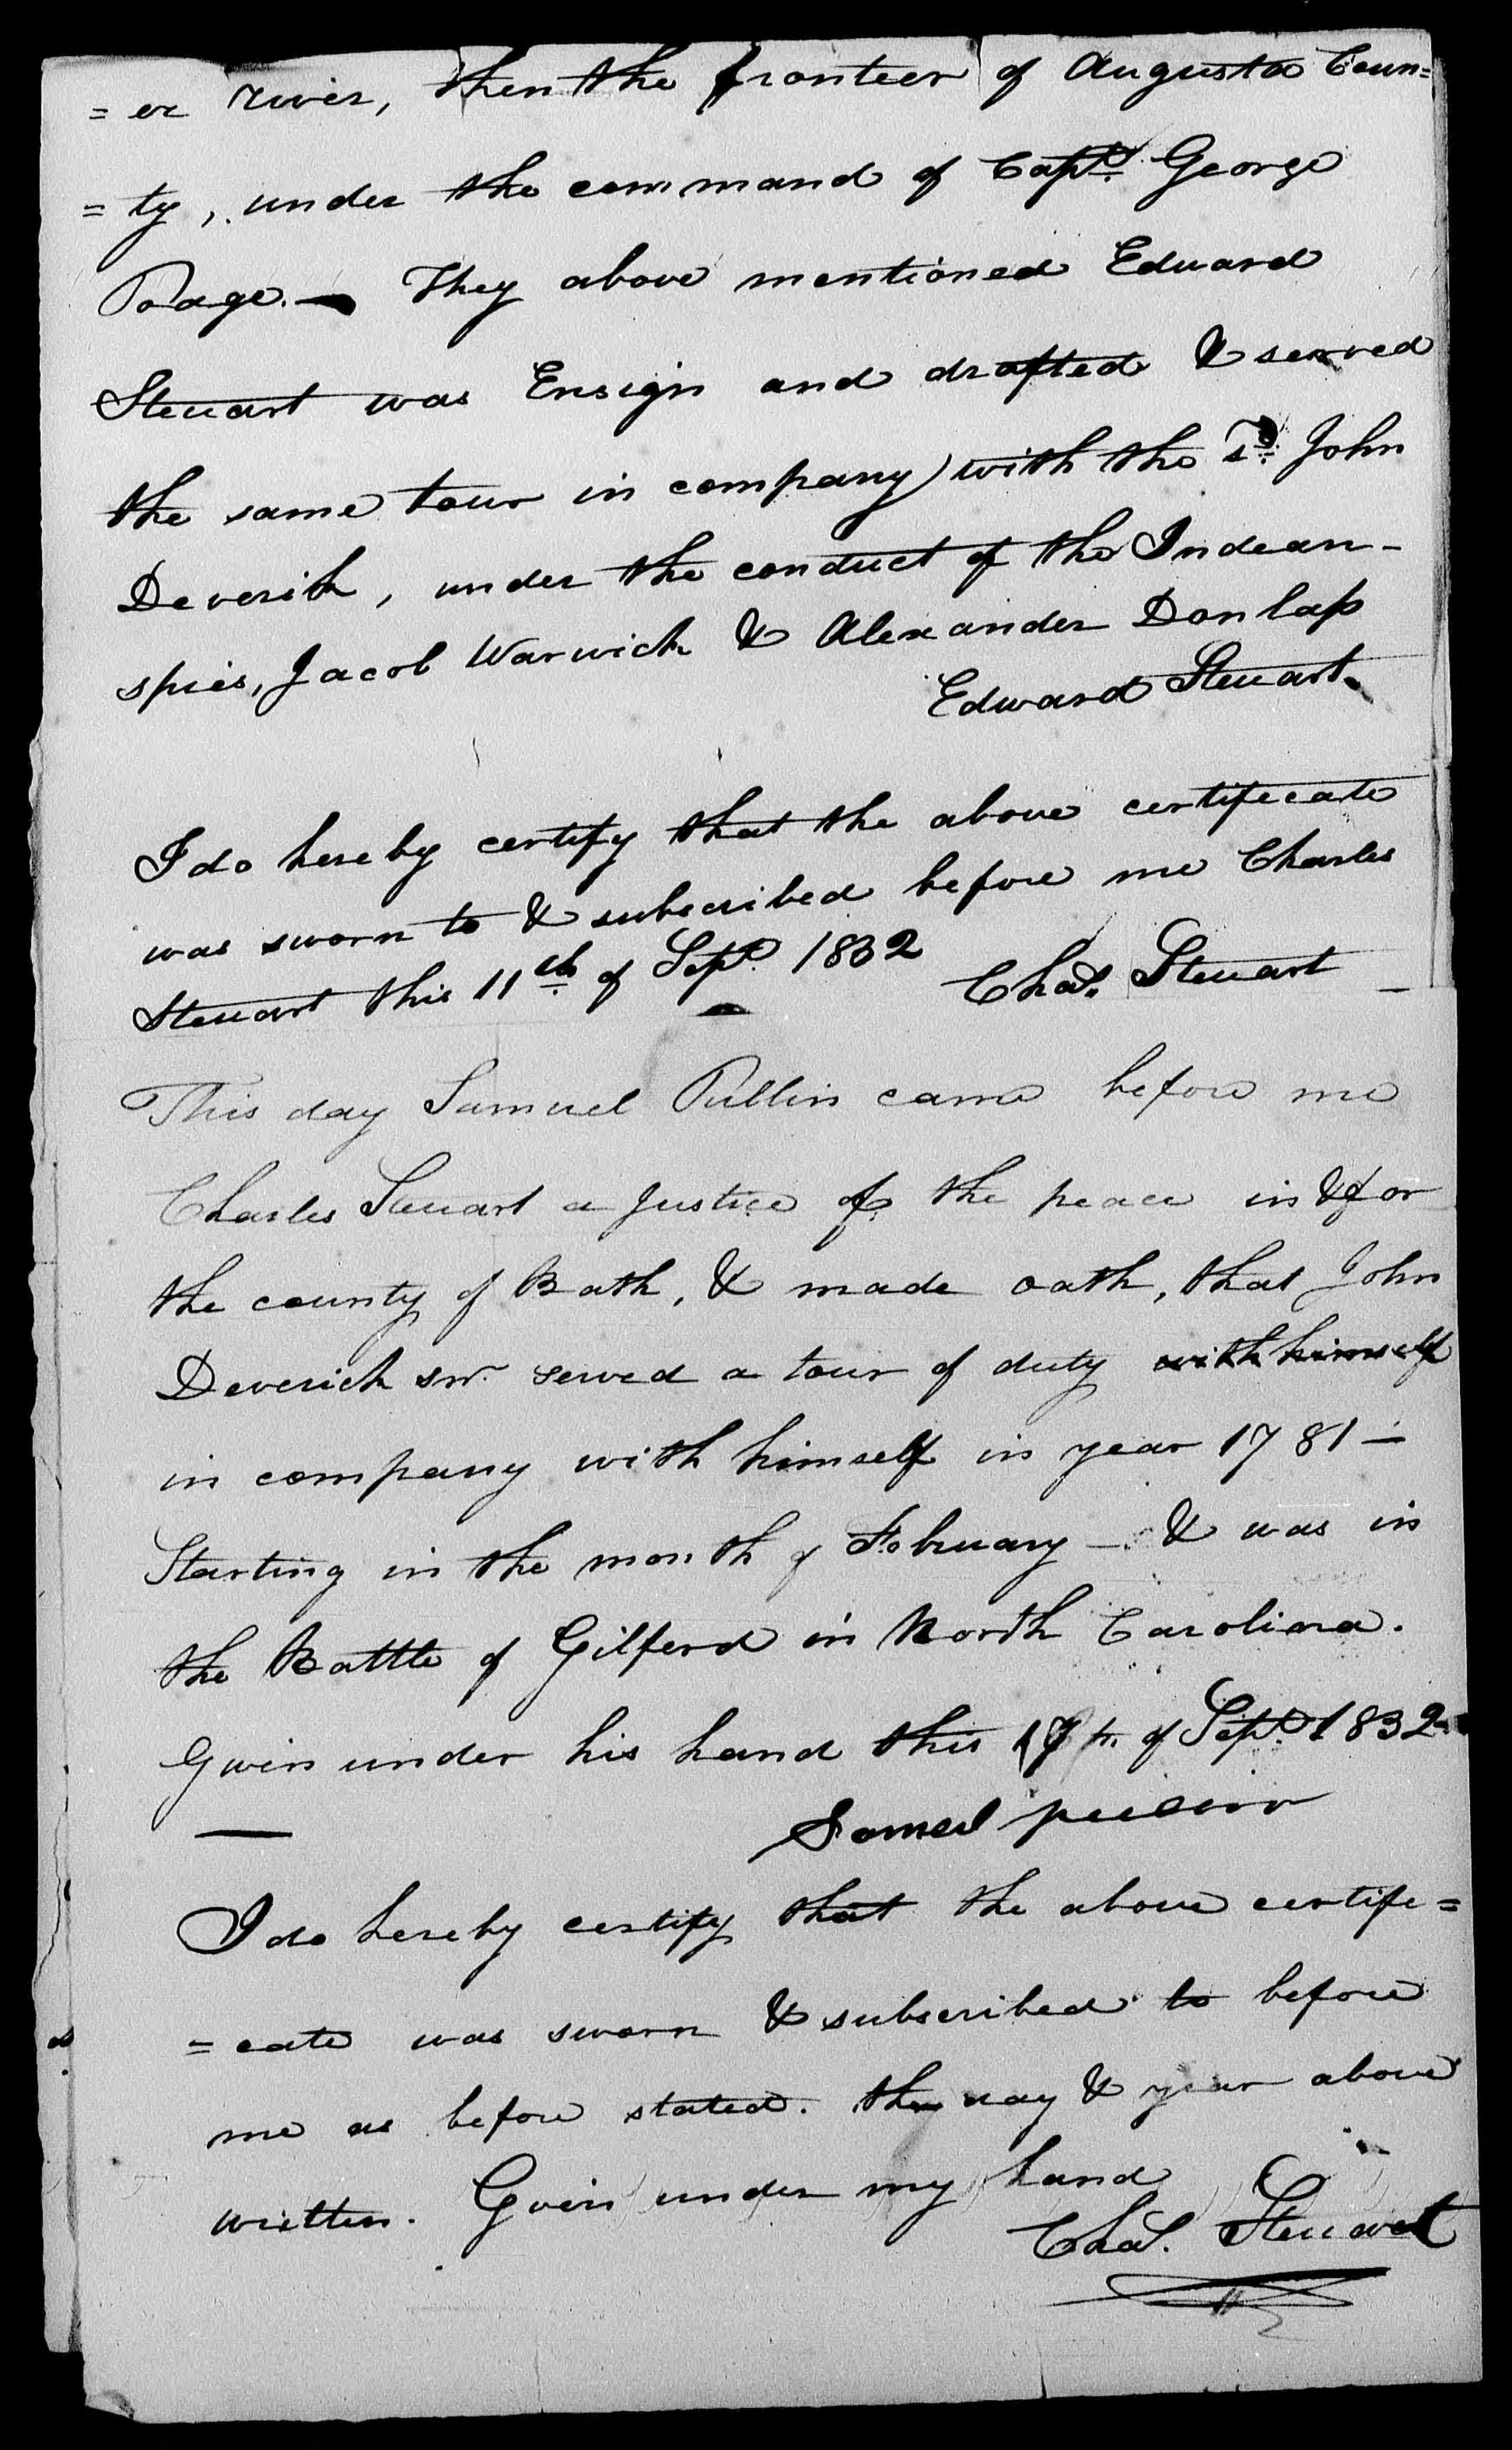= or [illegible], then the frontier of Augusto County, under the command of Capt George Poage. — They above mentioned Eduard Stewart was Ensign and drafted + served the same tour in company with [illegible] John Deverick, under the conduct of the Indian-spies, Jacob Warwick + Alexander Donlap
Eduard Stewart

I do hereby certify that the above certificate was sworn to + subscribed before me Charles Stewart this 11th of Sept. 1832
Chal. Stewart

This day Samuel Pullin came before me Charles Stewart a Justice of the peace in + for the county of Bath + made oath, that John Deverick s[illegible] served a tour of duty with himself in company with himself in year 1781 — Starting in the month of February — + was in the Battle of Guilford in North Carolina. Given under his hand this 19th of Sept 1832.

Samuel Pullin

I do hereby certify that the above certificate was sworn + subscribed to before me as before stated. that day + year above written. Given under my hand
Chal. Stewart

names: Charles Stewart, Edward Stewart, Alexander Danlap, George Poage, Samuel Pullin, Edward Stewart, Samuel Pullin, John Deverick, John Deverick, Chal Stewart, Charles Stewart, Chal Stewart, Jacob Warwick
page: 6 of 35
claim: widow's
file: W 7007, John Devericks, Va.